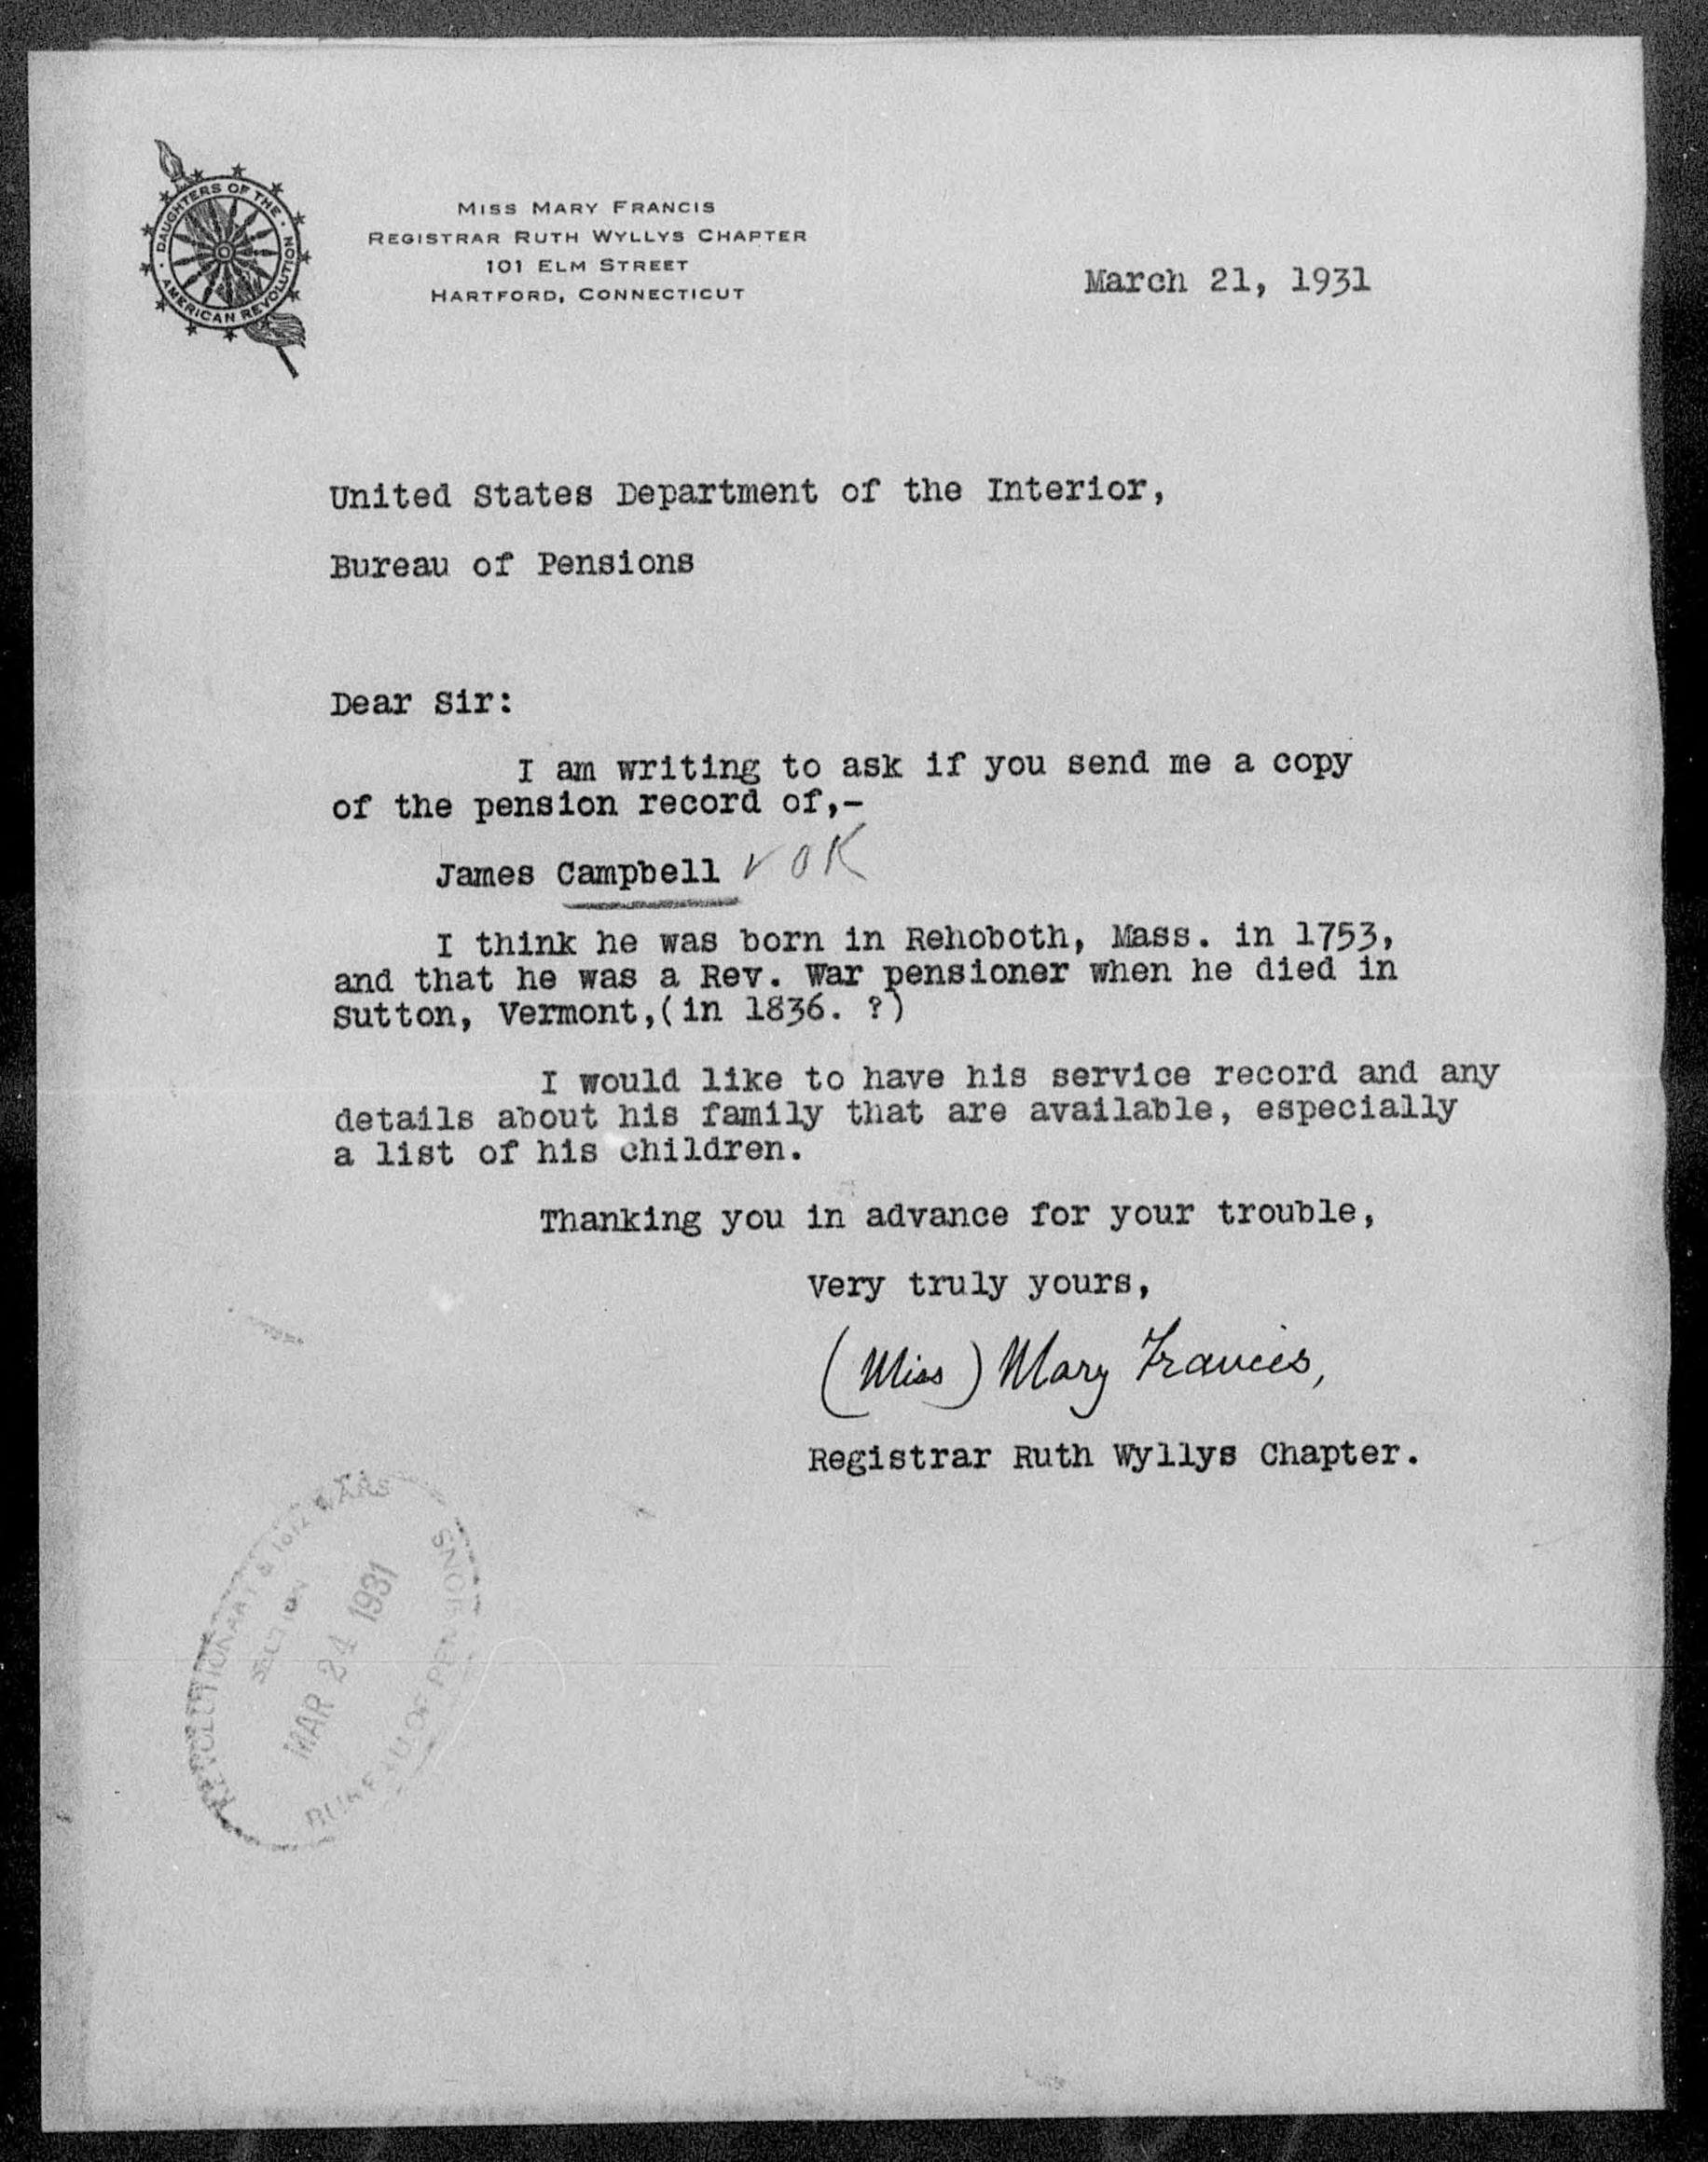(Letterhead Emblem:)
DAUGHTERS OF THE AMERICAN REVOLUTION

MISS MARY FRANCIS
REGISTRAR RUTH WYLLYS CHAPTER
101 ELM STREET
HARTFORD, CONNECTICUT

March 21, 1931

United States Department of the Interior,
Bureau of Pensions

Dear Sir:

I am writing to ask if you send me a copy
of the pension record of

James Campbell (check mark OF)

I think he was born in Rehoboth, Mass. in 1753,
and that he was a Rev. War pensioner when he died in Sutton, Vermont, (in 1836. ?)

I would like to have his service record and any
details about his family that are available, especially a list of his children.

Thanking you in advance for your trouble,
Very truly yours,
(Miss) Mary Francis
Registrar Ruth Wyllys Chapter.

(Oval Stamp:)
REVOLUTIONAY & 1812 WARS
SECTION
MAR 24 1931
BUREAU OF PENSIONS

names: Mary Francis, James Campbell, Mary Francis, Ruth Wyllys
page: 64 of 67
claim: widow's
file: W. 23772, James Campbell, Continental Mass.